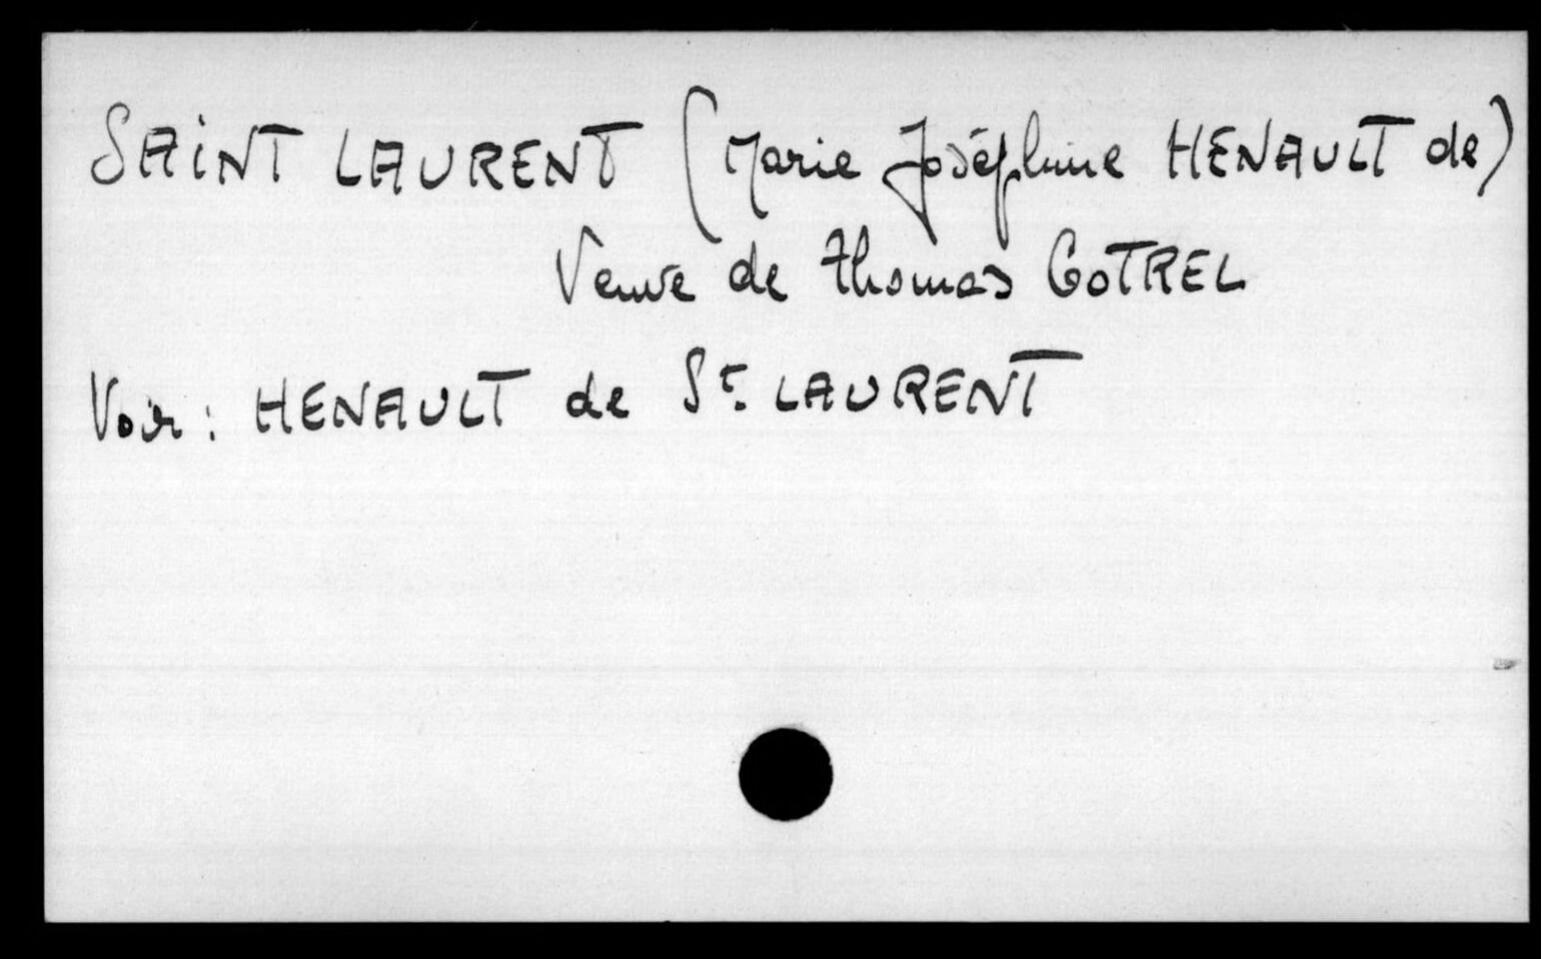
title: SAINT LAURENT (Marie Joséphine HENAULT de) Veuve de Thomas GOTREL
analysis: Voir : HENAULT de SAINT-LAURENT
